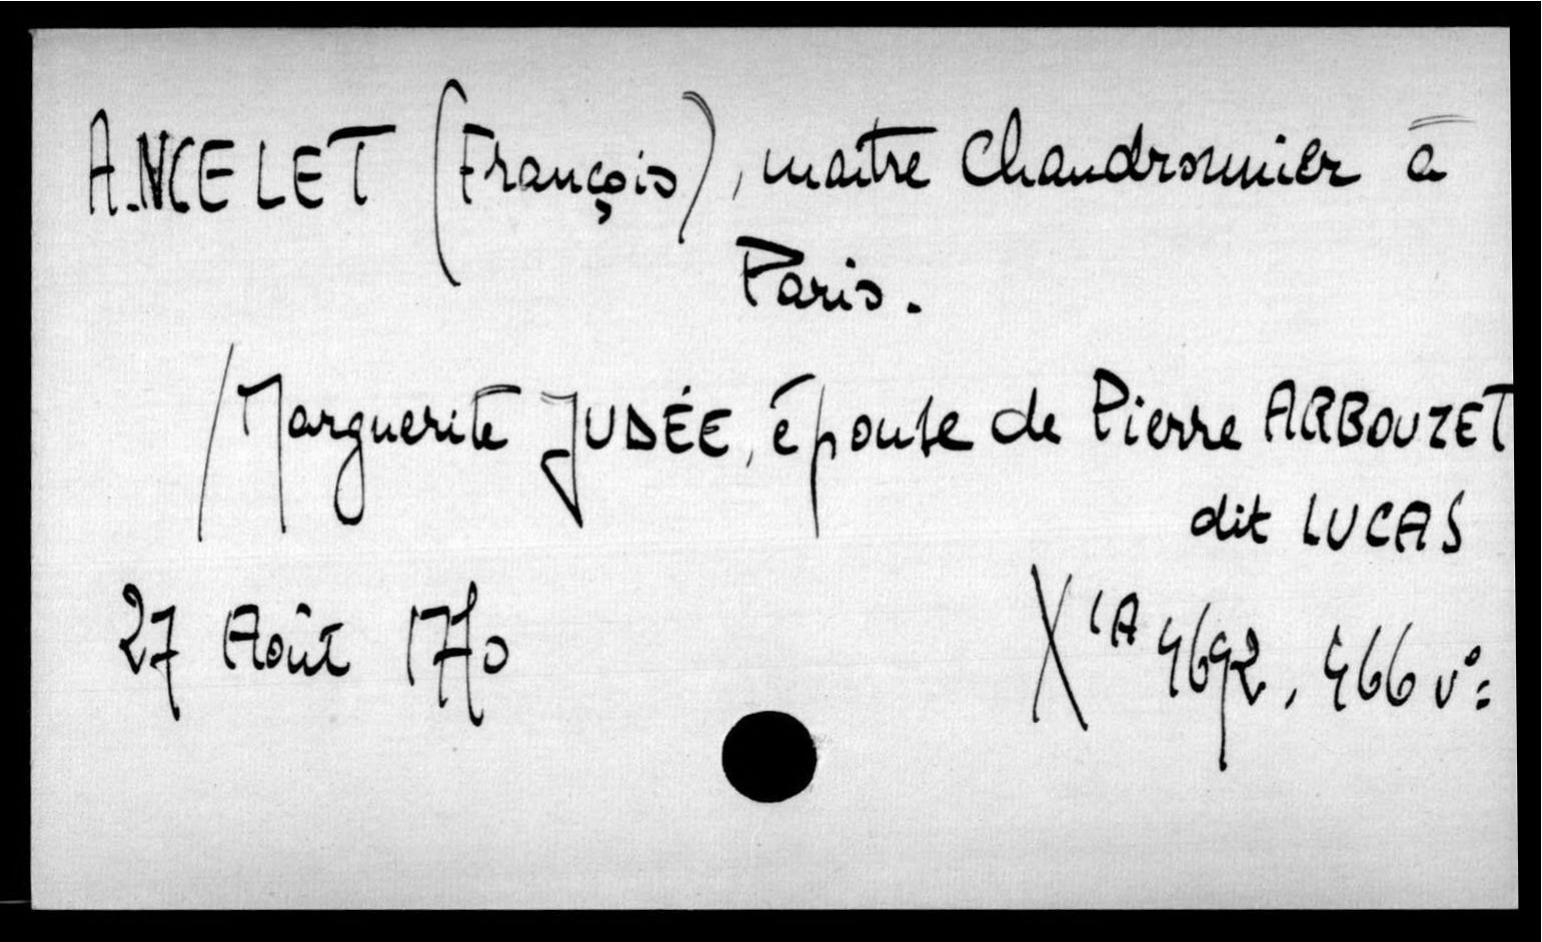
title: ANCELET (François), maître chaudronnier à Paris.
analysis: Contre Marguerite JUDÉE épouse de Pierre ARBOUZET dit LUCAS
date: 27 août 1770
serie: X1A
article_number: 4692
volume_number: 466v
